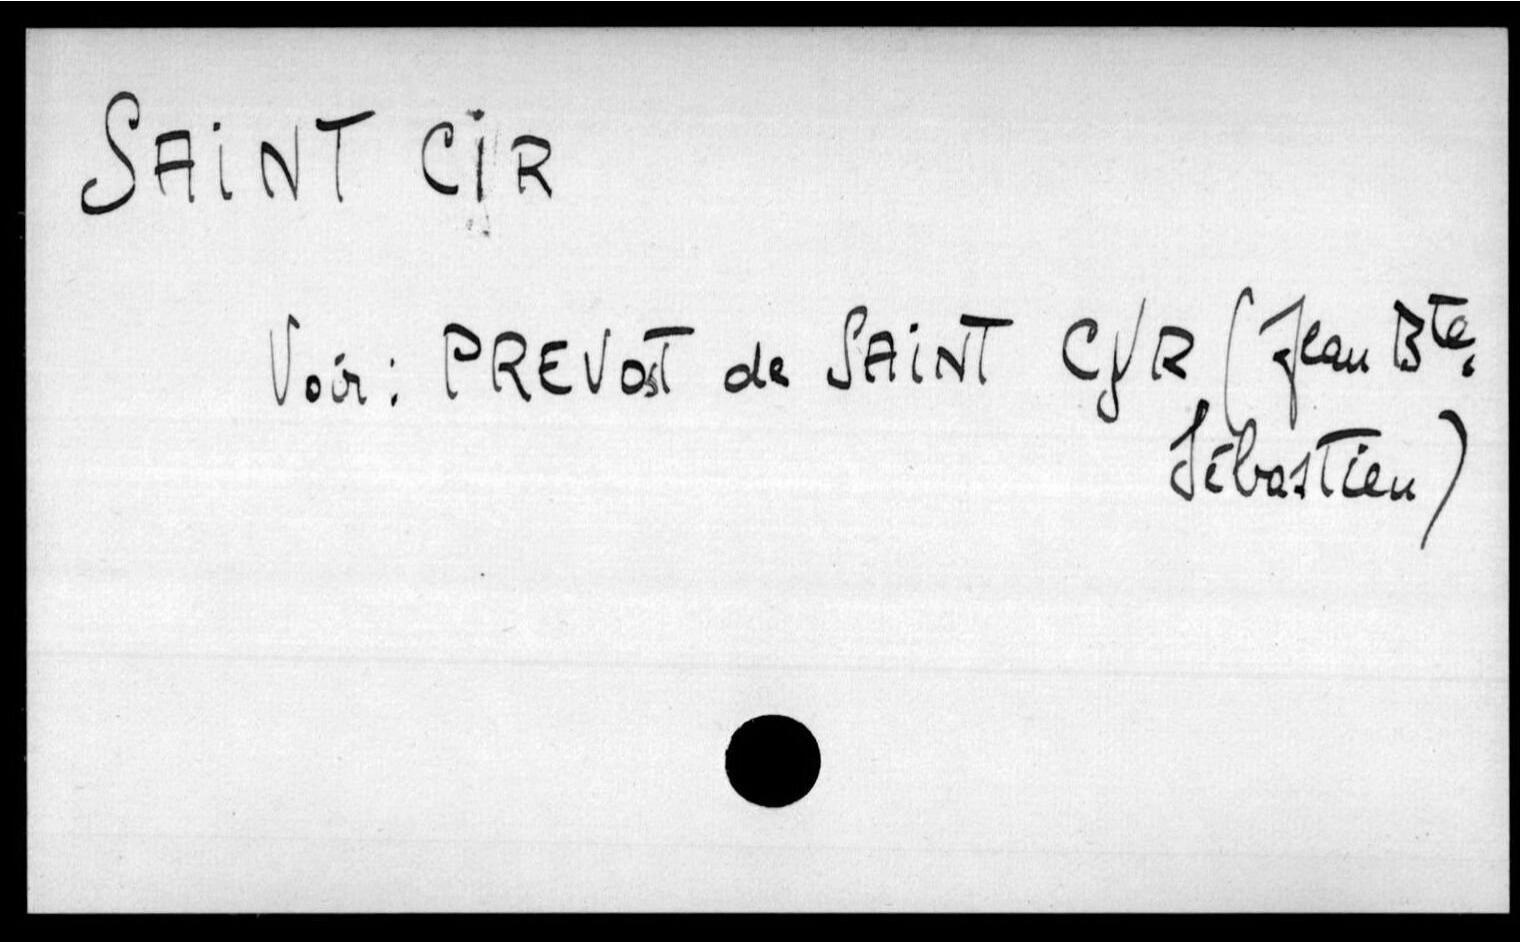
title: SAINT CIR
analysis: Voir PREVOST de SAINT-CYR (Jean Baptiste Sébastien)
